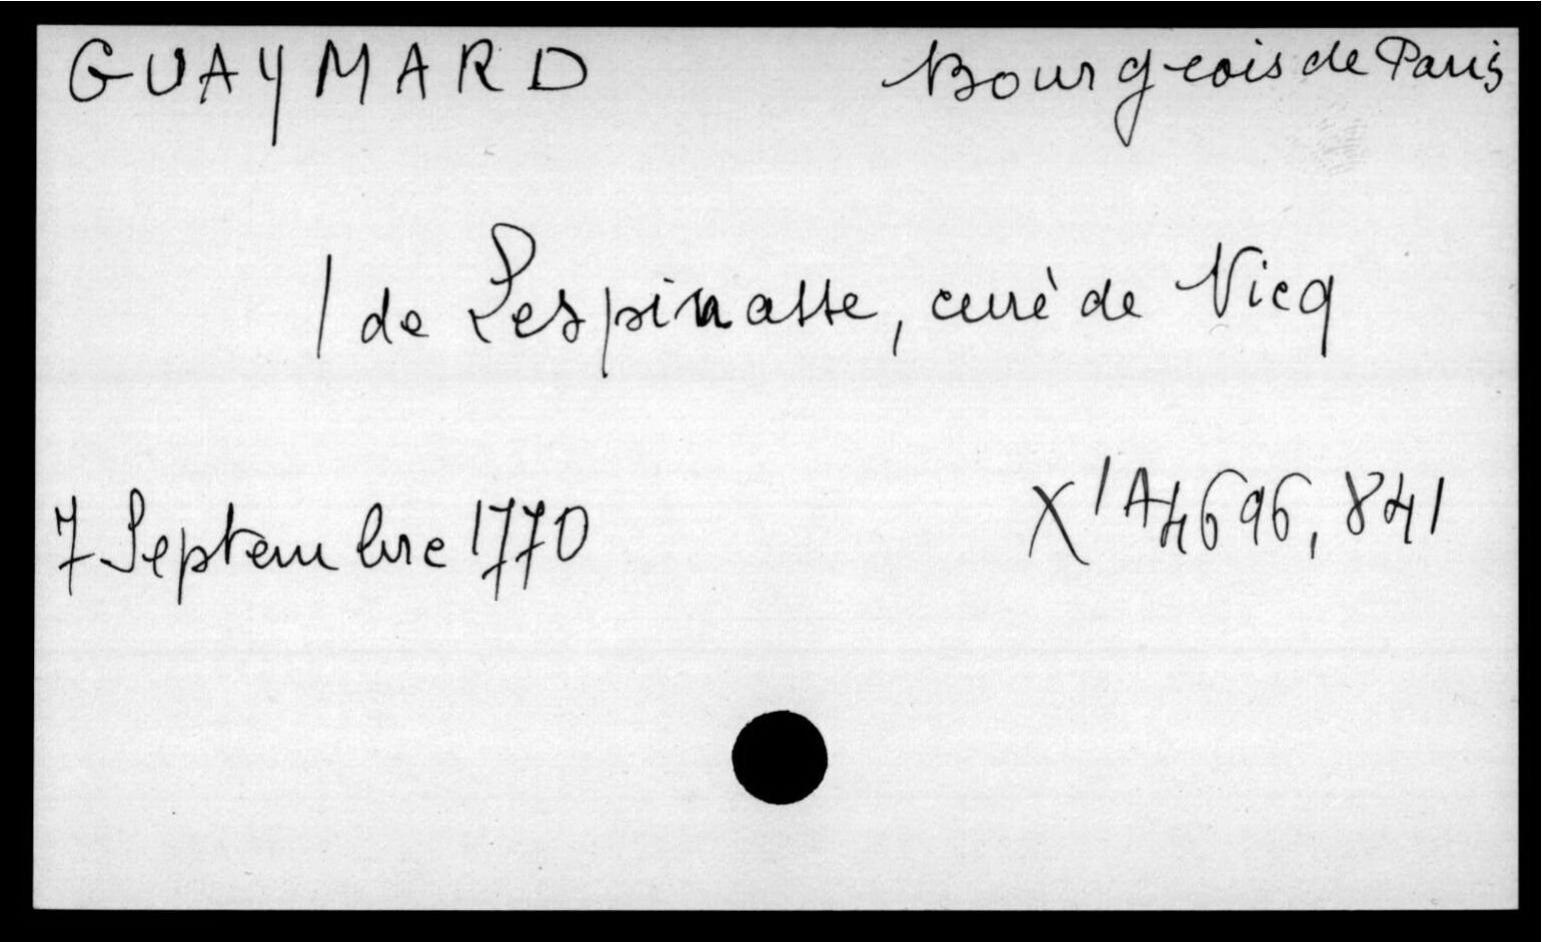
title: GUAYMARD, bourgeois de Paris
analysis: Contre de Lespinasse, curé de Vicq
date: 7 septembre 1770
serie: X1A
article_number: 4696
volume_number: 841
